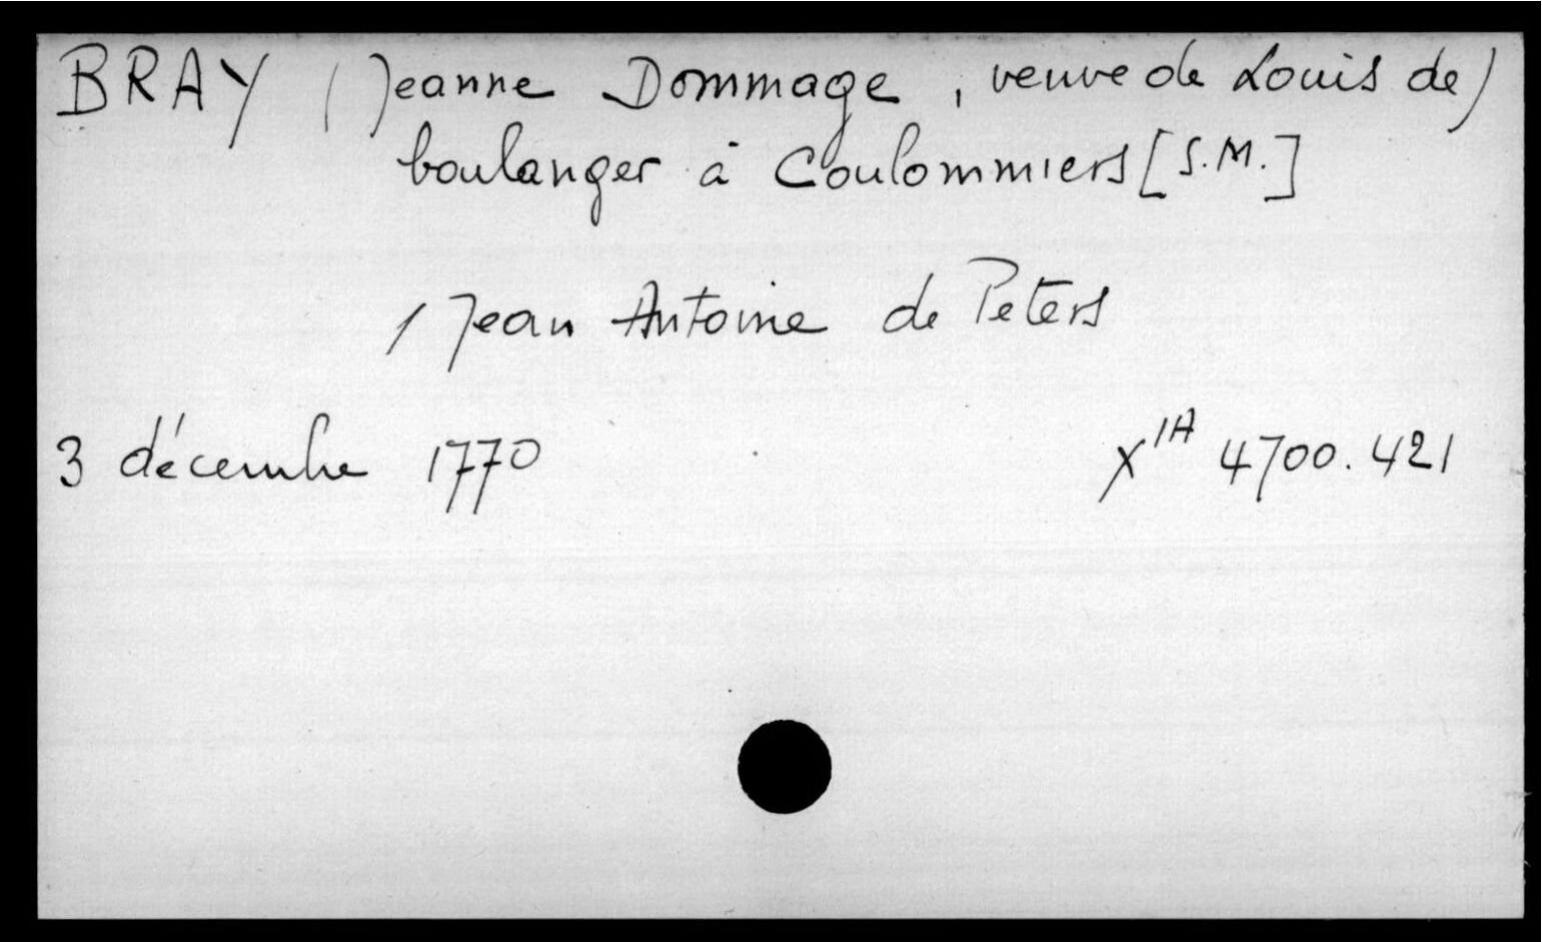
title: BRAY (Jeanne Dommage, veuve de Louis de) boulanger à Coulomniers [Seine-et-Marne]
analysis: Contre Jean Antoine de Peters
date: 3 décembre 1770
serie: X1A
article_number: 4700
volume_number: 421
